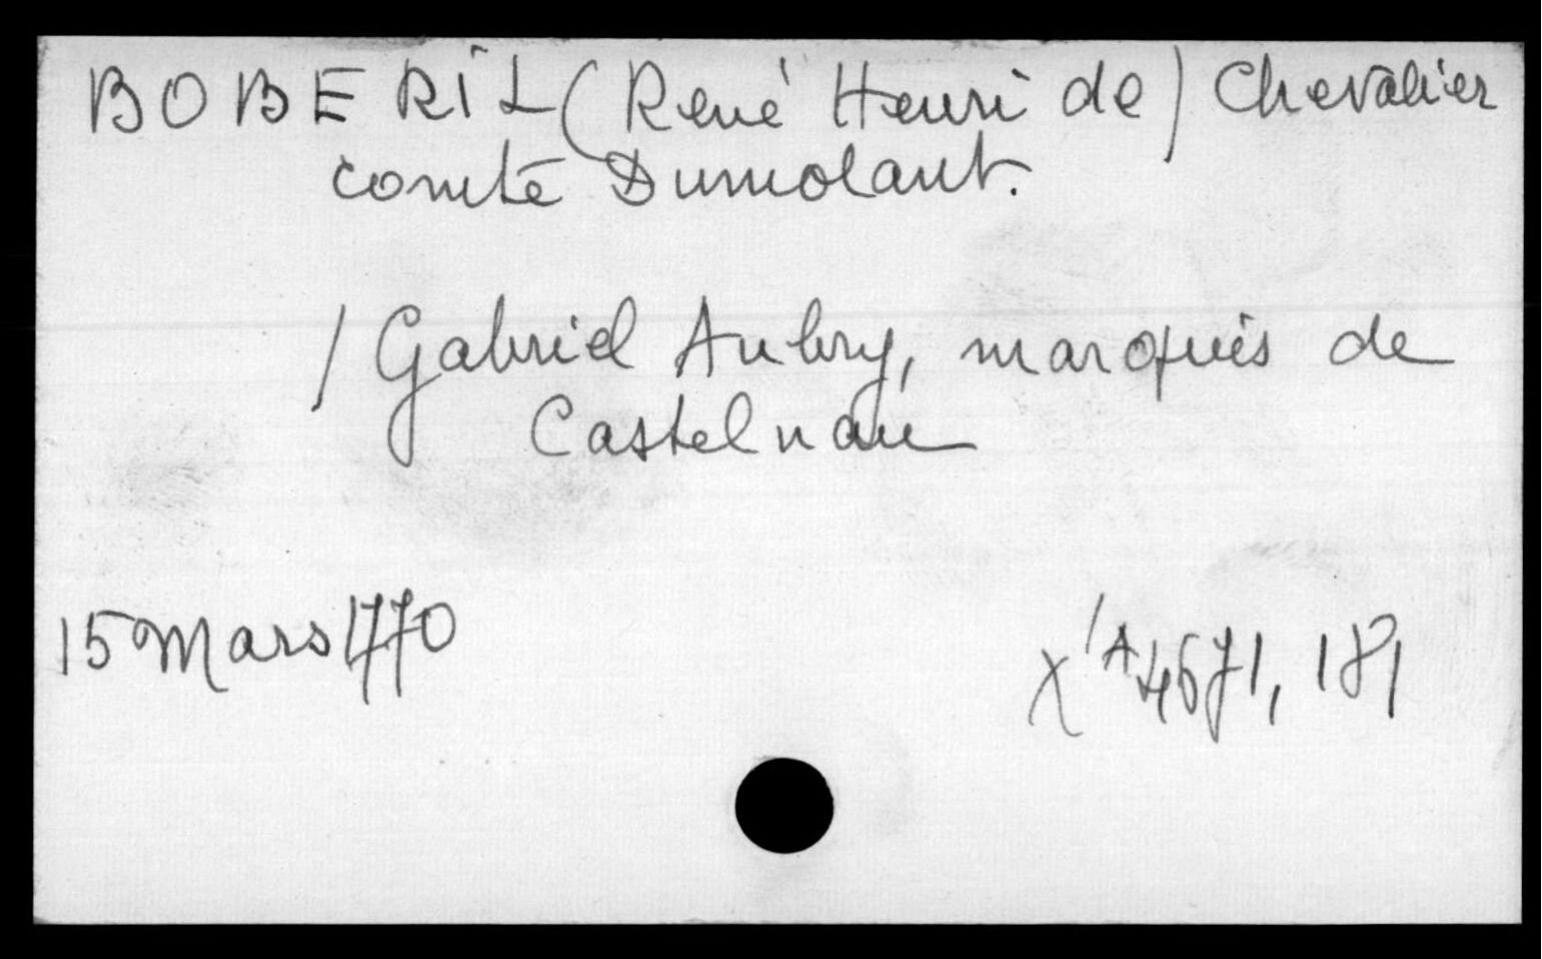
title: BOBERIL (René Henri de) Chevalier comte Dumolant
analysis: Contre Gabriel Aubry, marquis de Castelnau
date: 15 mars 1770
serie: X1A
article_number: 4671
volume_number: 181
